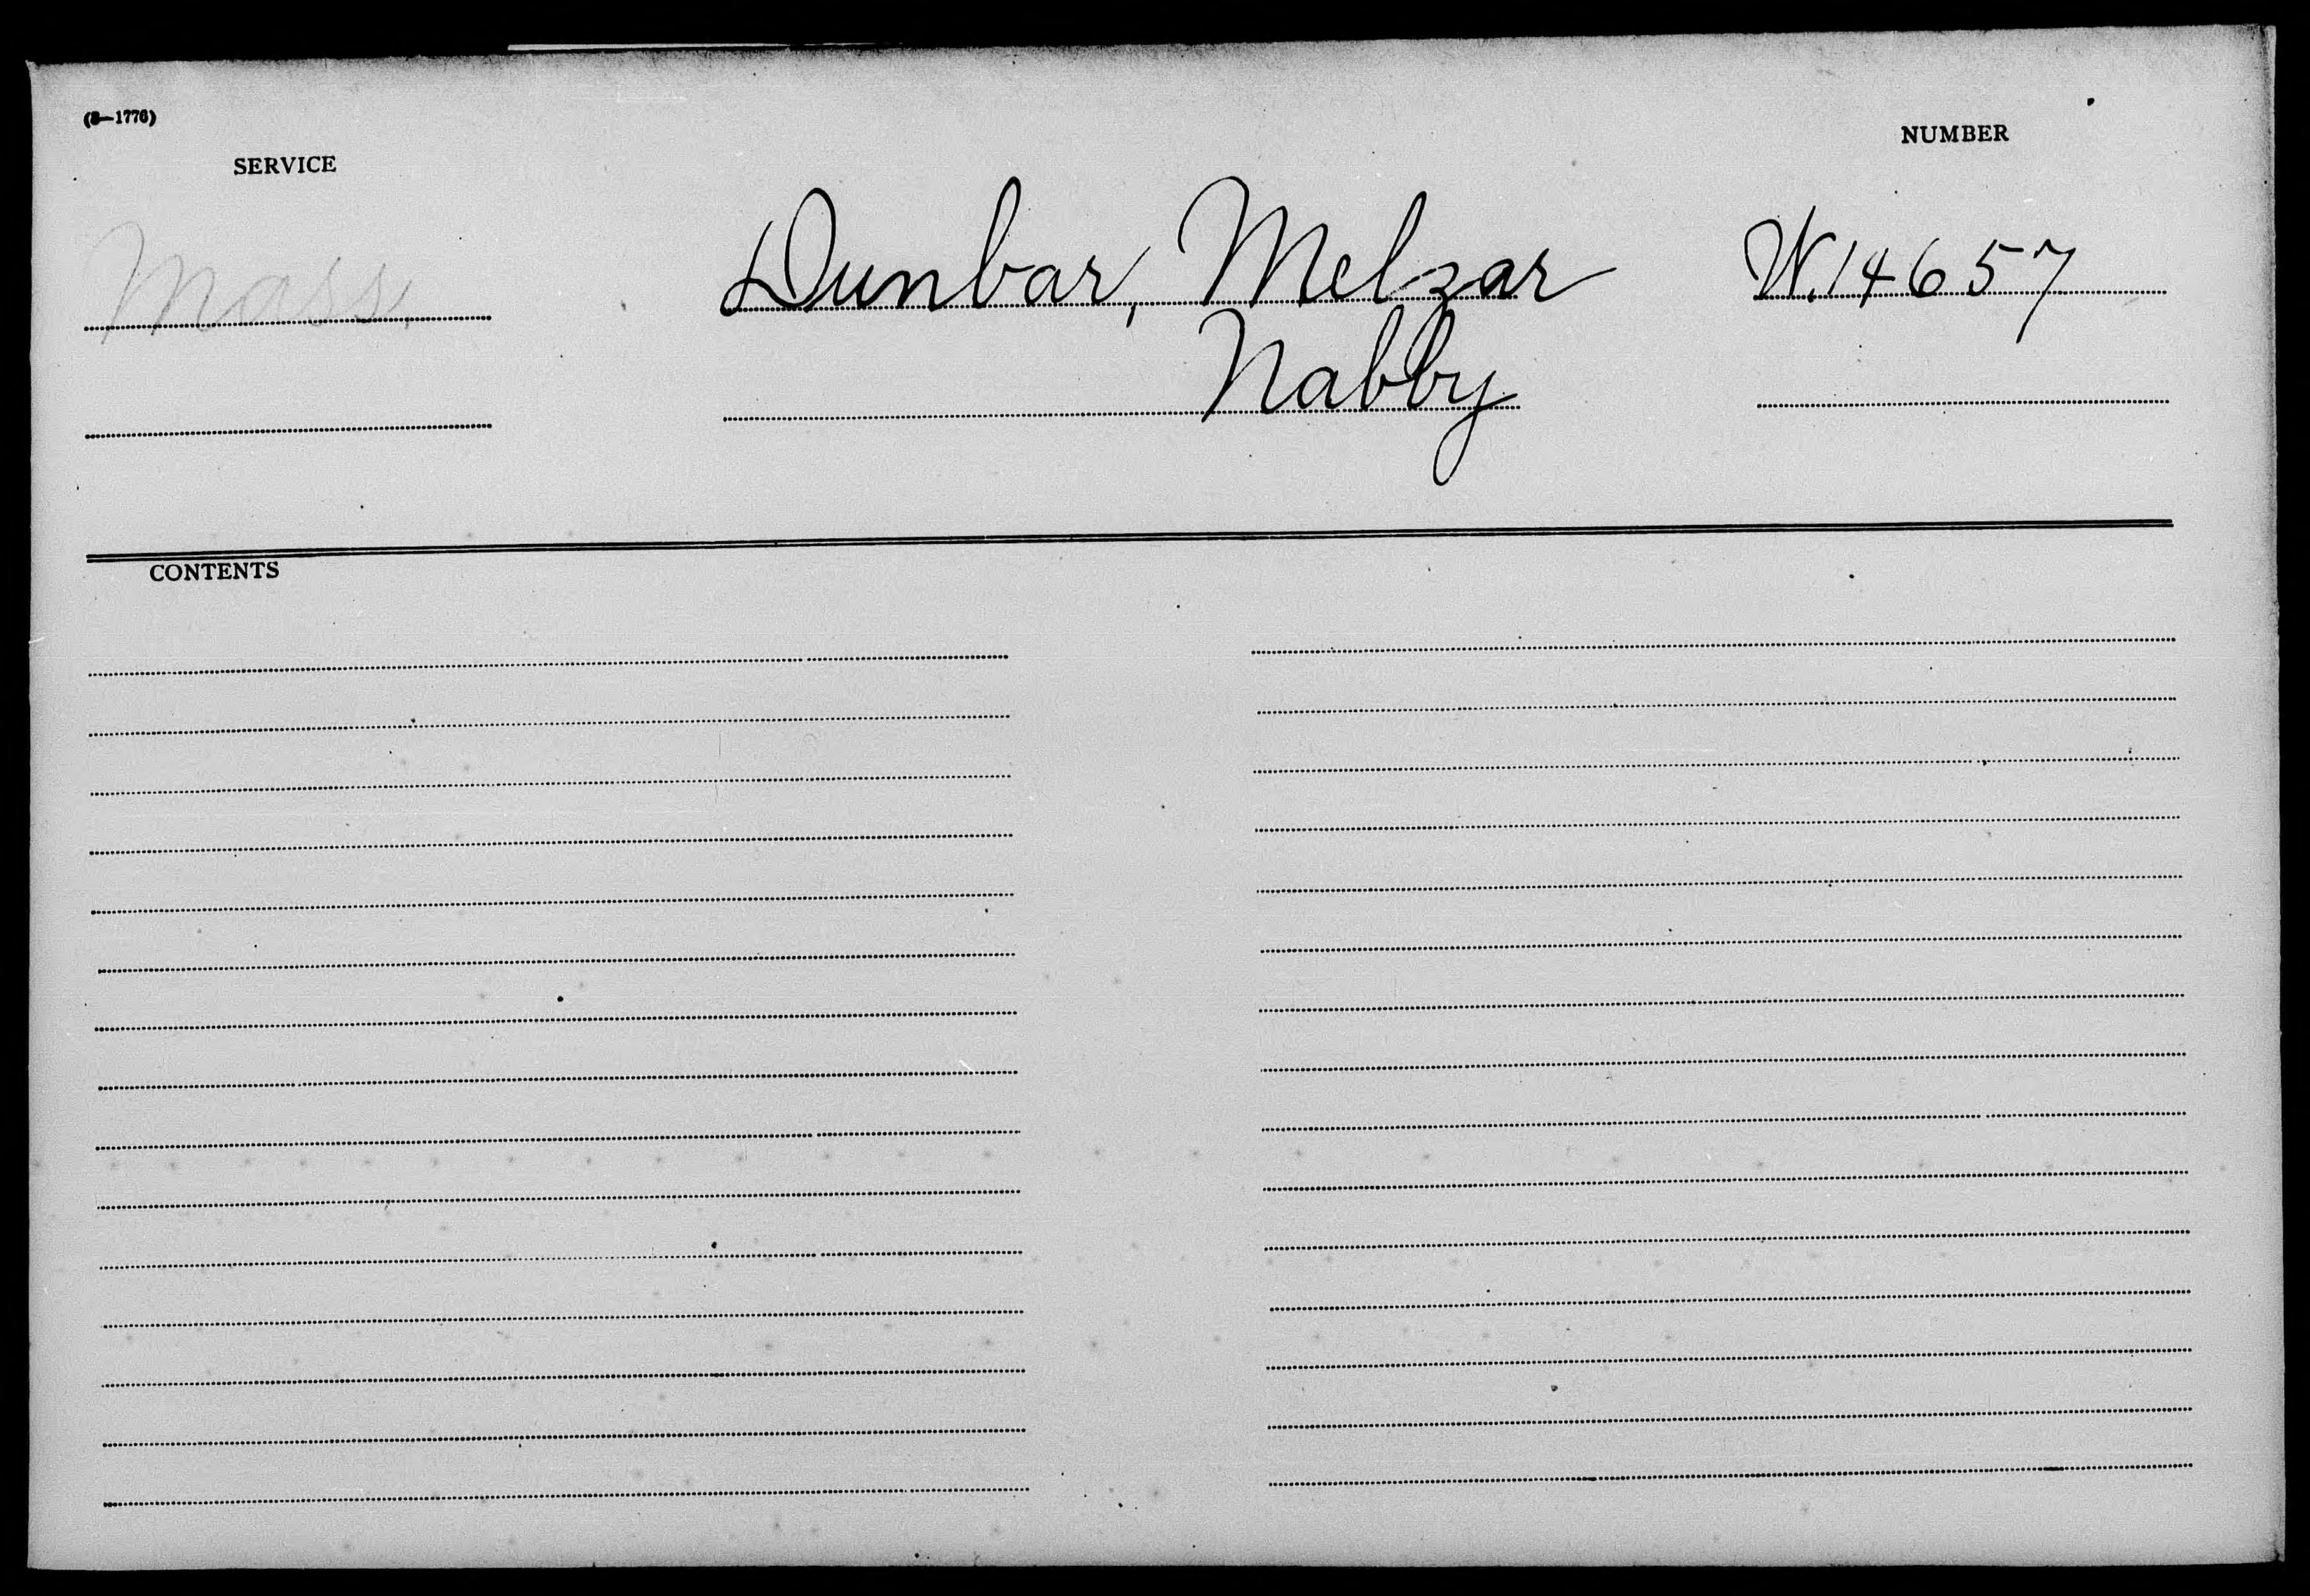Service
Mass.

Dunbar, Melzar
Nabby

Number
W. 14657

Contents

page: 1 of 26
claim: widow's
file: W. 14657, Melzar Dunbar, Mass.